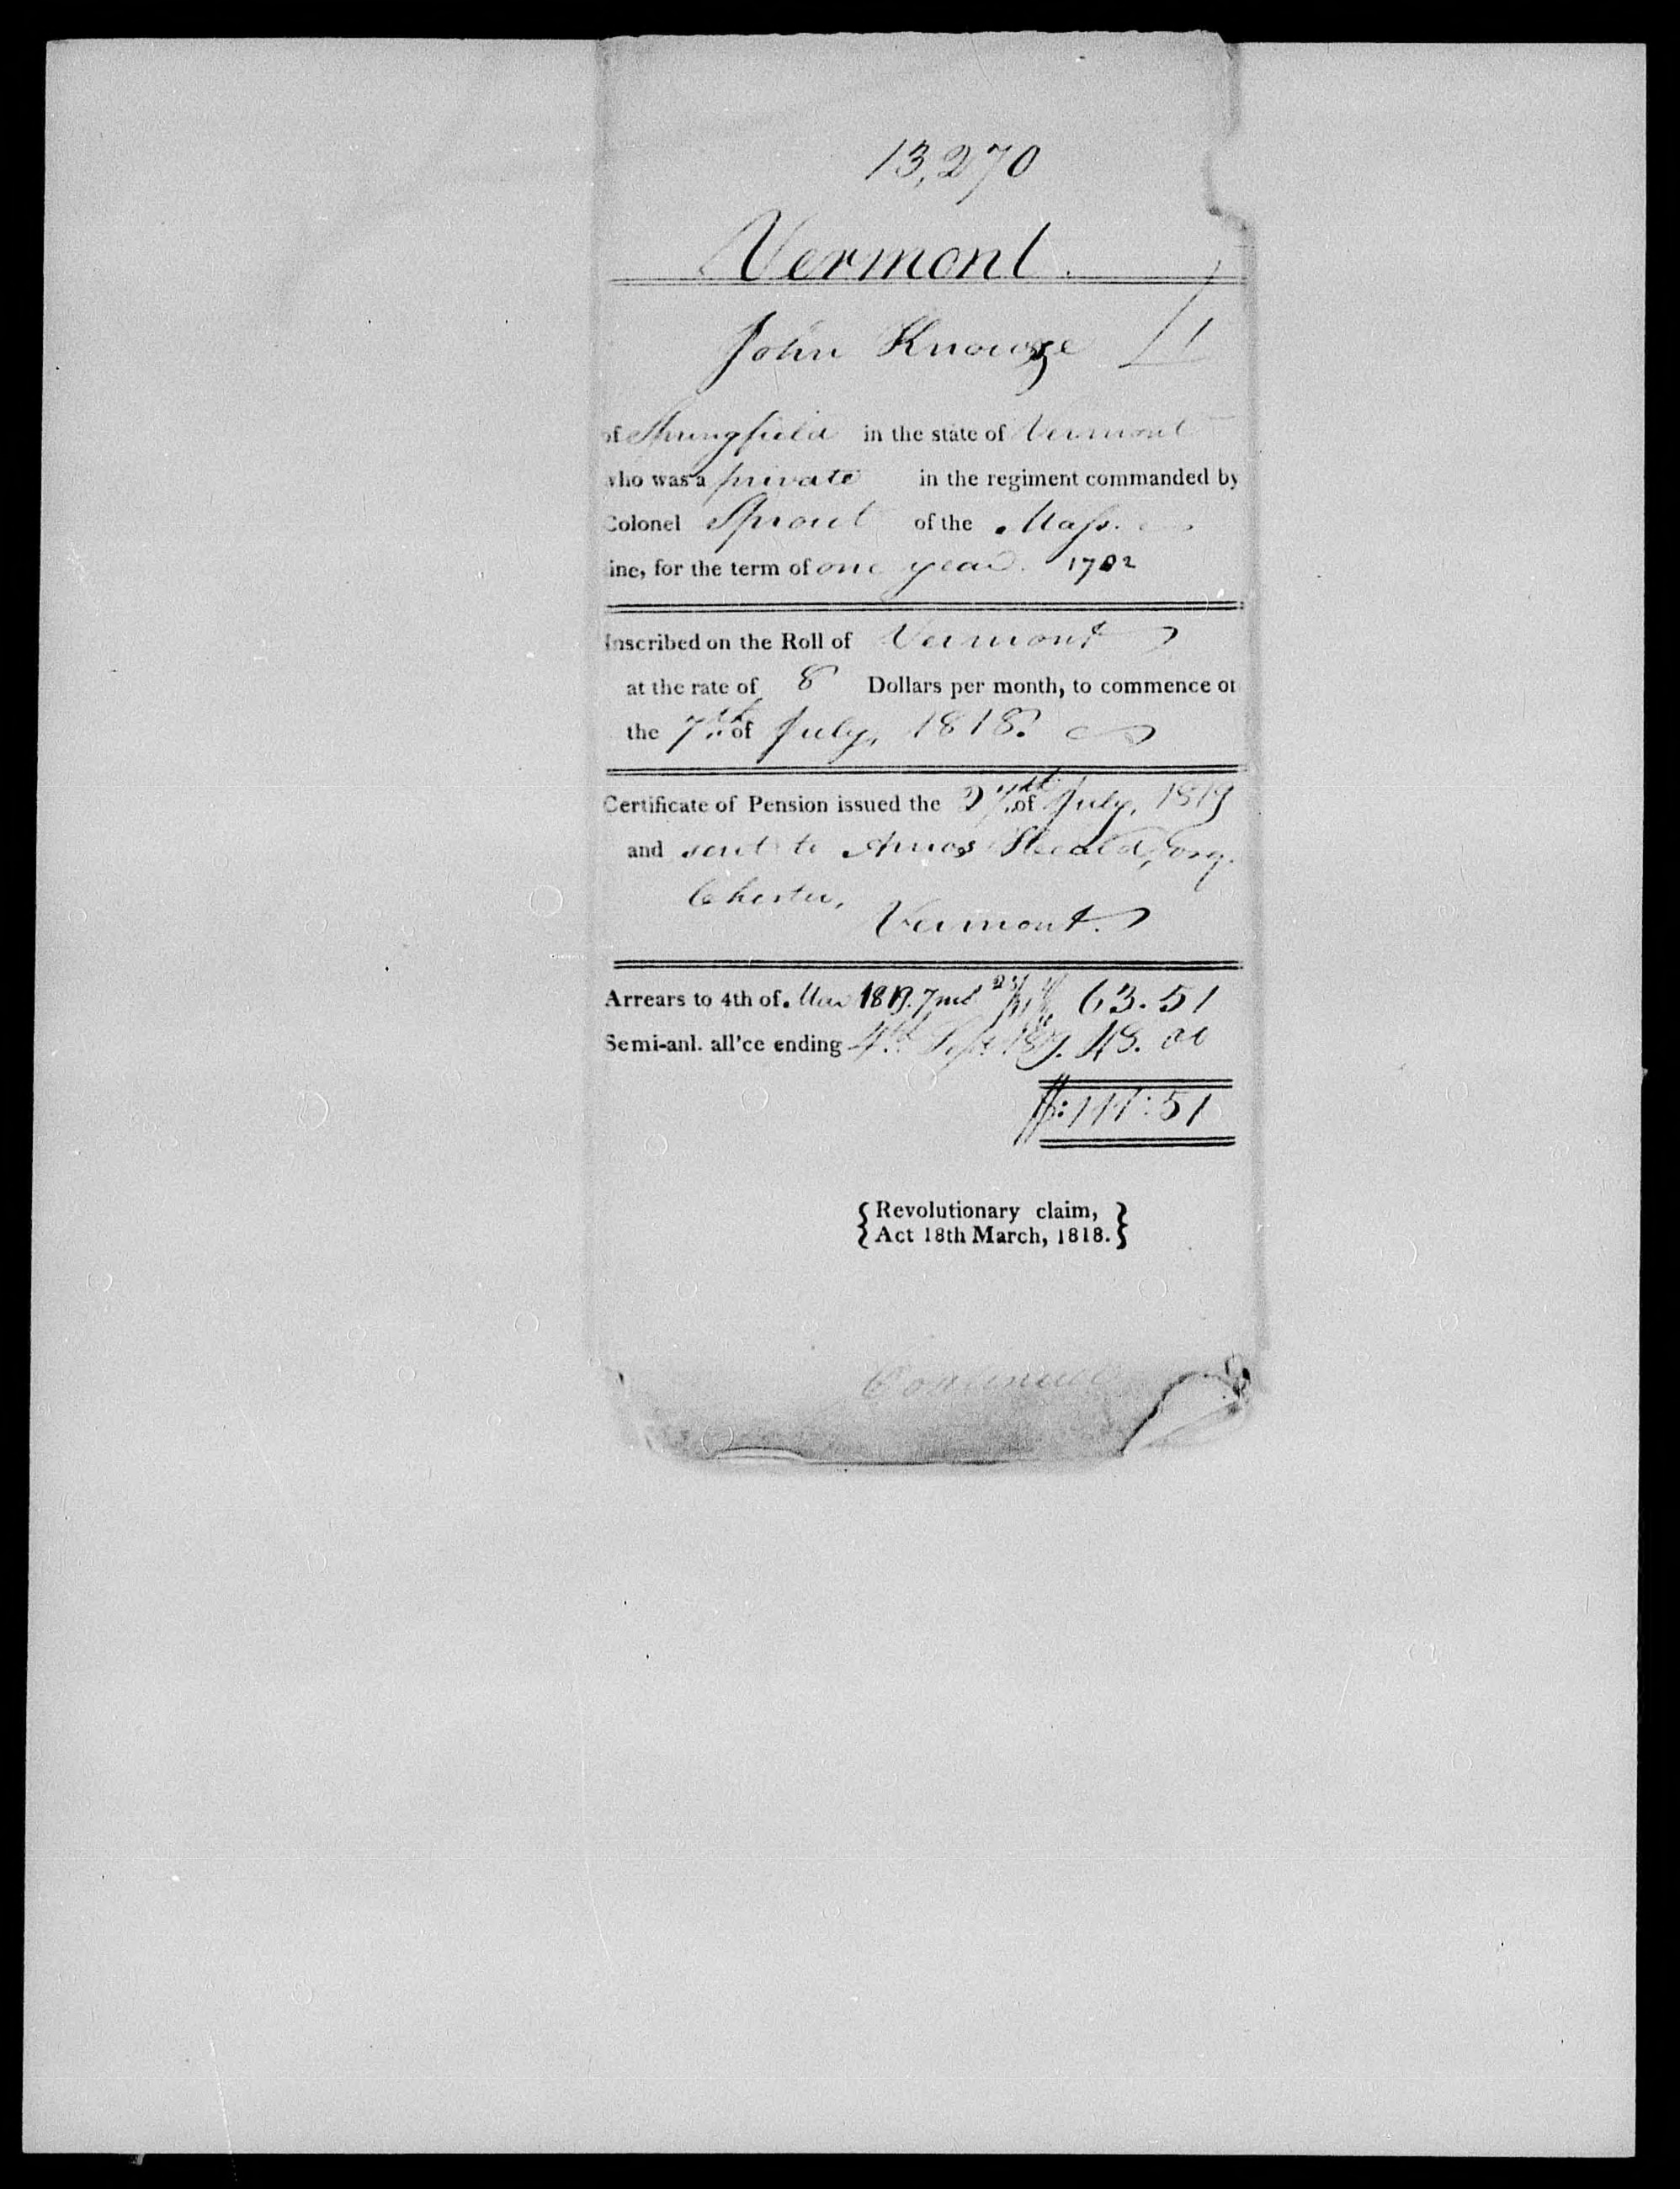13270

Vermont
----
John Knowze of Springfield in the state of Vermont who was a Private in the regiment commanded by Colonel Sprout of the Massachusetts line for the term of one year.  1782
----
Inscribed on the Roll of Vermont at the rate of 8 Dollars per month, to commence on the 7th of July 1818.
---
Certificate of Pension issued the 27th day of July 1819 and sent to Amos Heald, Esq, Chester, Vermont
---
Arrears to 4th of Mar 1819 7 mo 23/30 - $63.51
Semi-anl all'ce ending 4th Sept 1819 - $48.00
$111.51
----
Revolutionary claim, Act 18th March, 1818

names: Amos Heald; [BLANK] Sprout; John Knowze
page: 2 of 12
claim: survivor's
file: S. 40,907, for John Knowze, Massachusetts